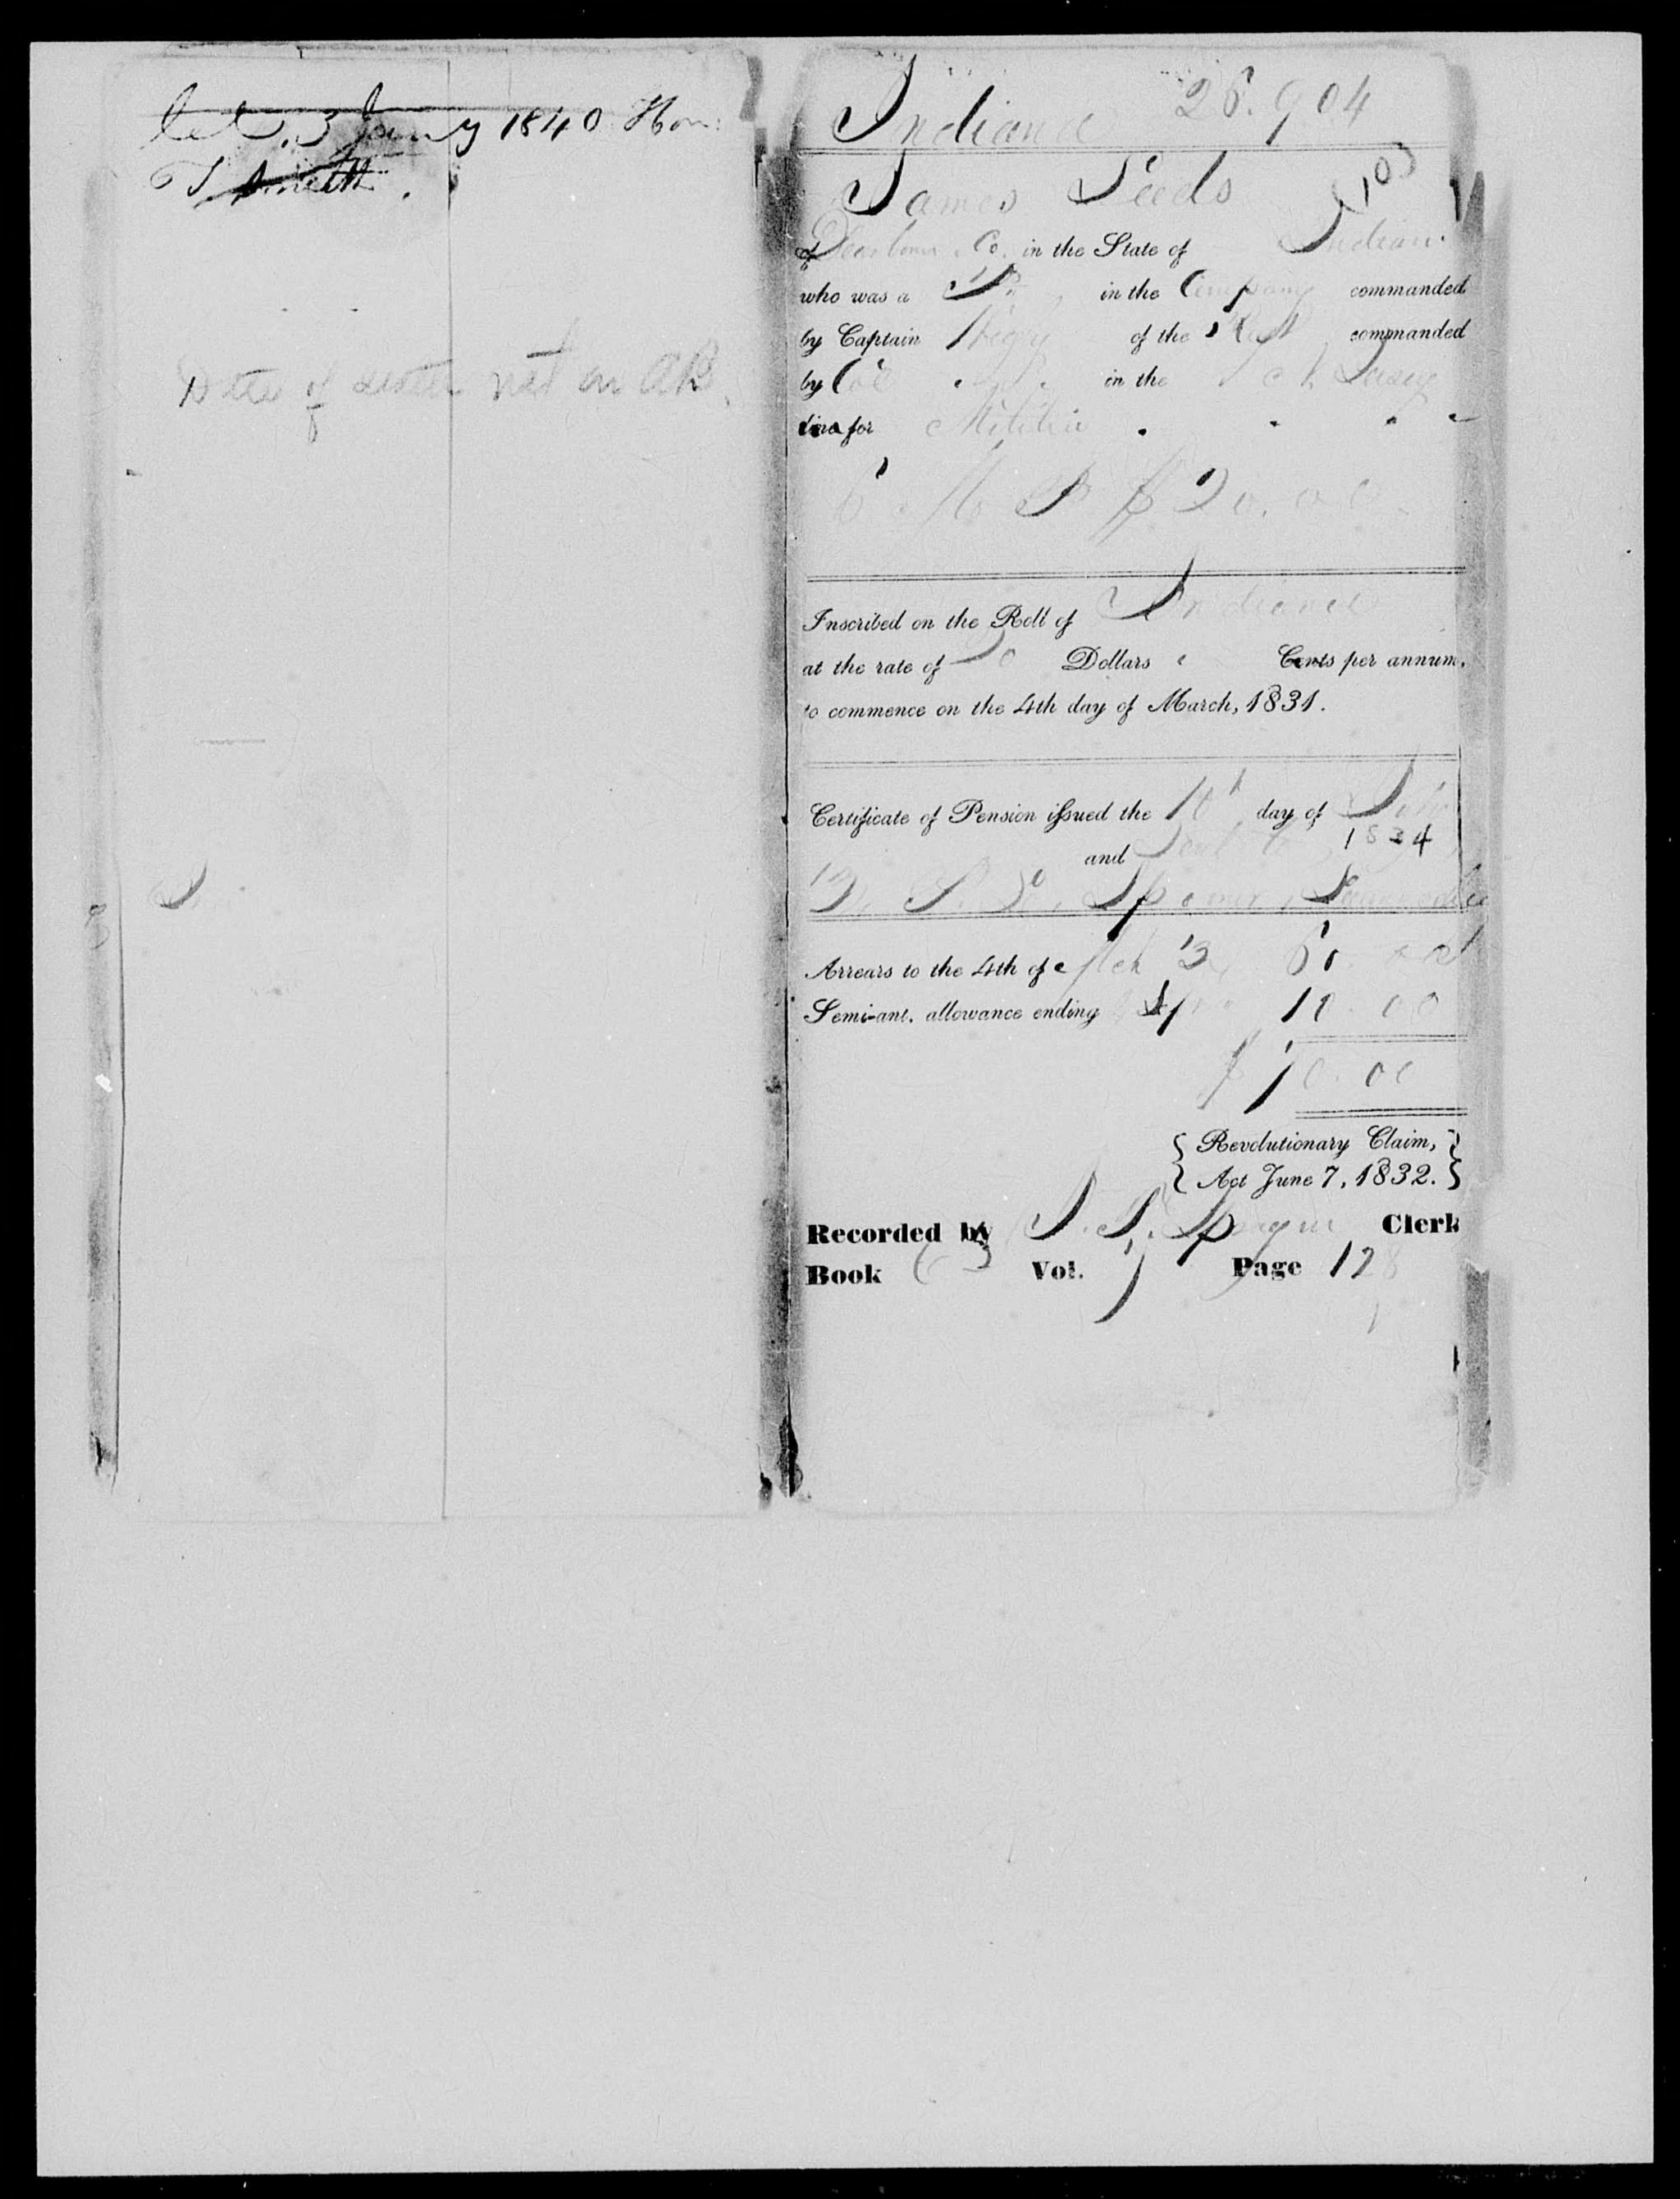let 3 Jany 1840 Hon: T Smith.

Date of letter not on AB

Indiana 26.904

James Leeds Dearborn Co., in the State of Indiana who was a [illegible] in the Company commanded by Captain Higy of the [illegible] commanded by Col [illegible] in the [illegible] [illegible] for Militia.

[illegible] $20.00

Inscribed on the Roll of Indiana at the rate of [illegible] dollars [blank] Cents per annum, to commence on the 4th day of March, 1834.

Certificate of Pension issued the 4th day of July [blank] and [illegible] 1834 [illegible]

Arrears to the 4th of [illegible]'3 [illegible] Semiant, allowance ending [illegible] 10.00
of 10.00
Revolutionary Claim, Act June 7, 1832. Recorded by J T Sprague Clerk Book 2 Vol. [illegible] Page 128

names: P L Spooner; T Smith; J T Sprague; [BLANK] Wigg; James Leeds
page: 2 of 38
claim: survivor's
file: S 31817, for James Leeds, New Jersey